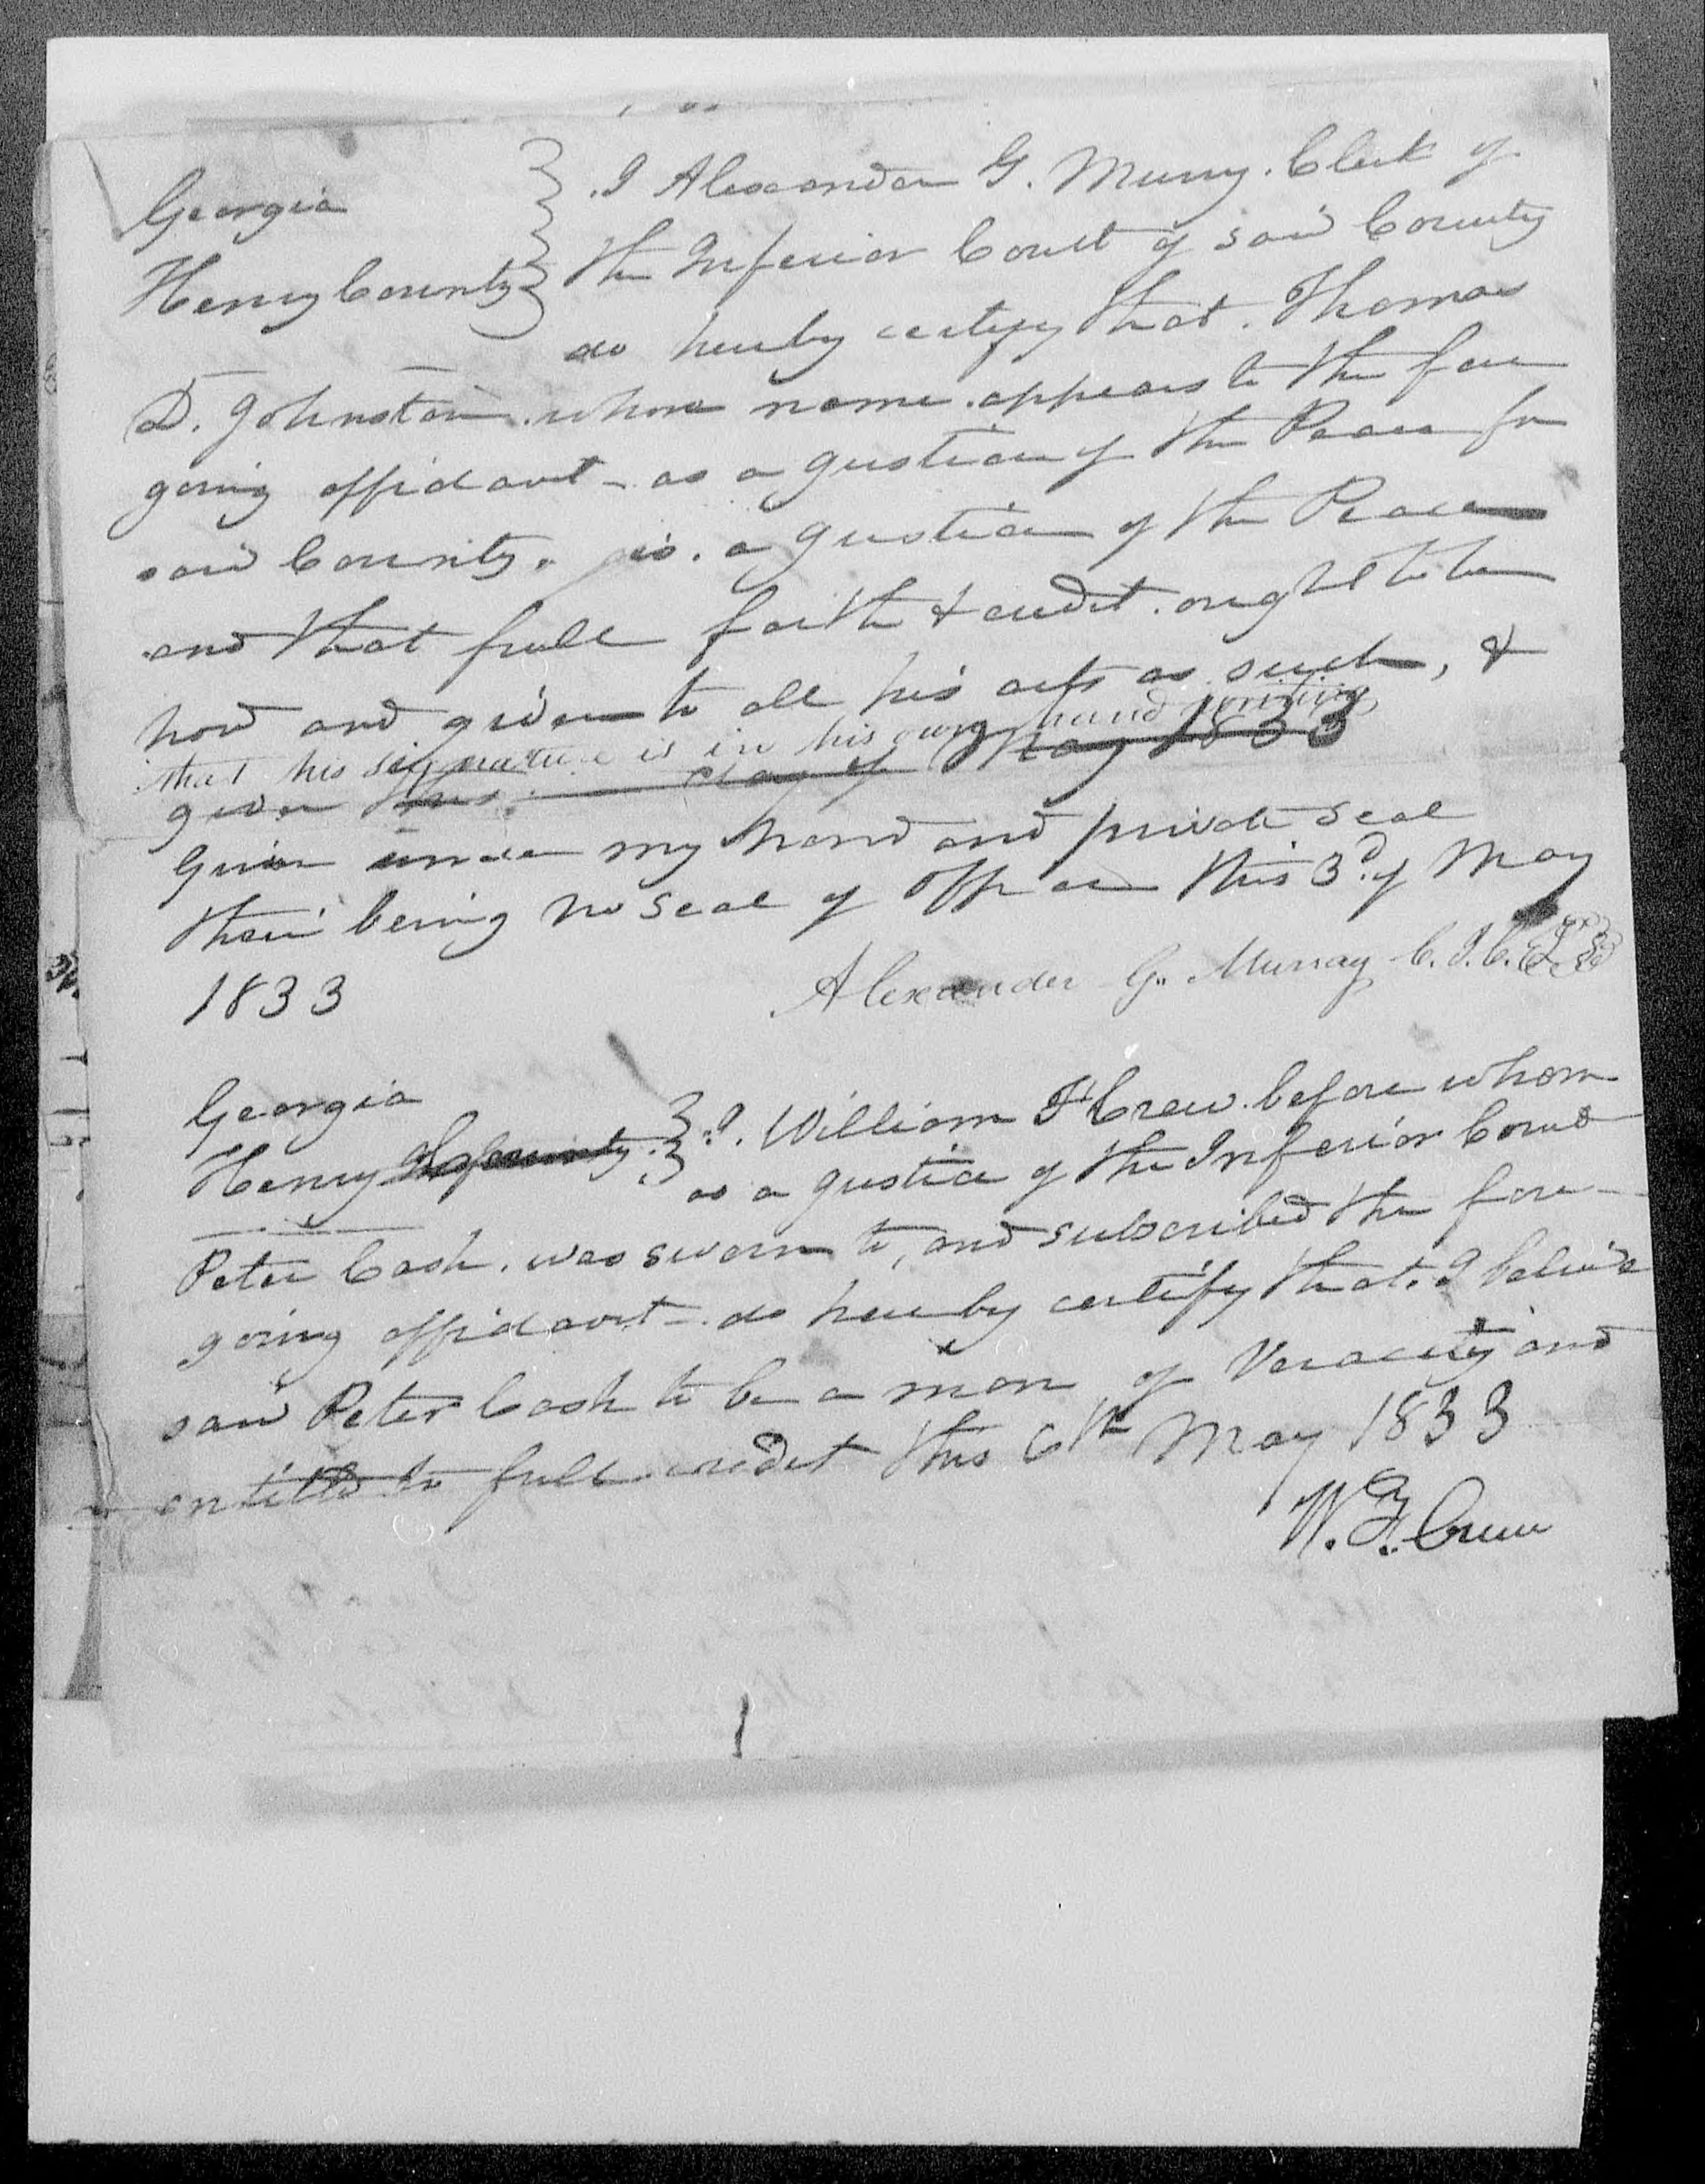Georgia
Henry County


I Alexander G. Murry, Clerk
the Inferior Court of said County do hereby certify that Thomas D. Johnston whose name appears to the form giving affidavit as a justice of the Peace for said County, is a Justice of the Peace and that full faith & credit ought to be had and given to all his acts as such, & that his signature is in his own hand.

Given under my hand and private seal
then being no seal of this office this 3d of May
1833.
Alexander G. Murray C.J.C.


Georgia
I, William Crew a Justice of the Inferior Court, before whom Peter Cash, was sworn to and subscribed the foregoing affidavit do hereby certify that on Peter Cash to be a man of veracity and entitled to full credit this 6th May 1833
                                 W F Crew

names: Peter Cash, Alexander G Murray, William F Crew, Thomas D Johnston, Alexander G Murry, W F Crew, Peter Cash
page: 6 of 73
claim: widow's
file: W. 5,894, John Cash, Va.